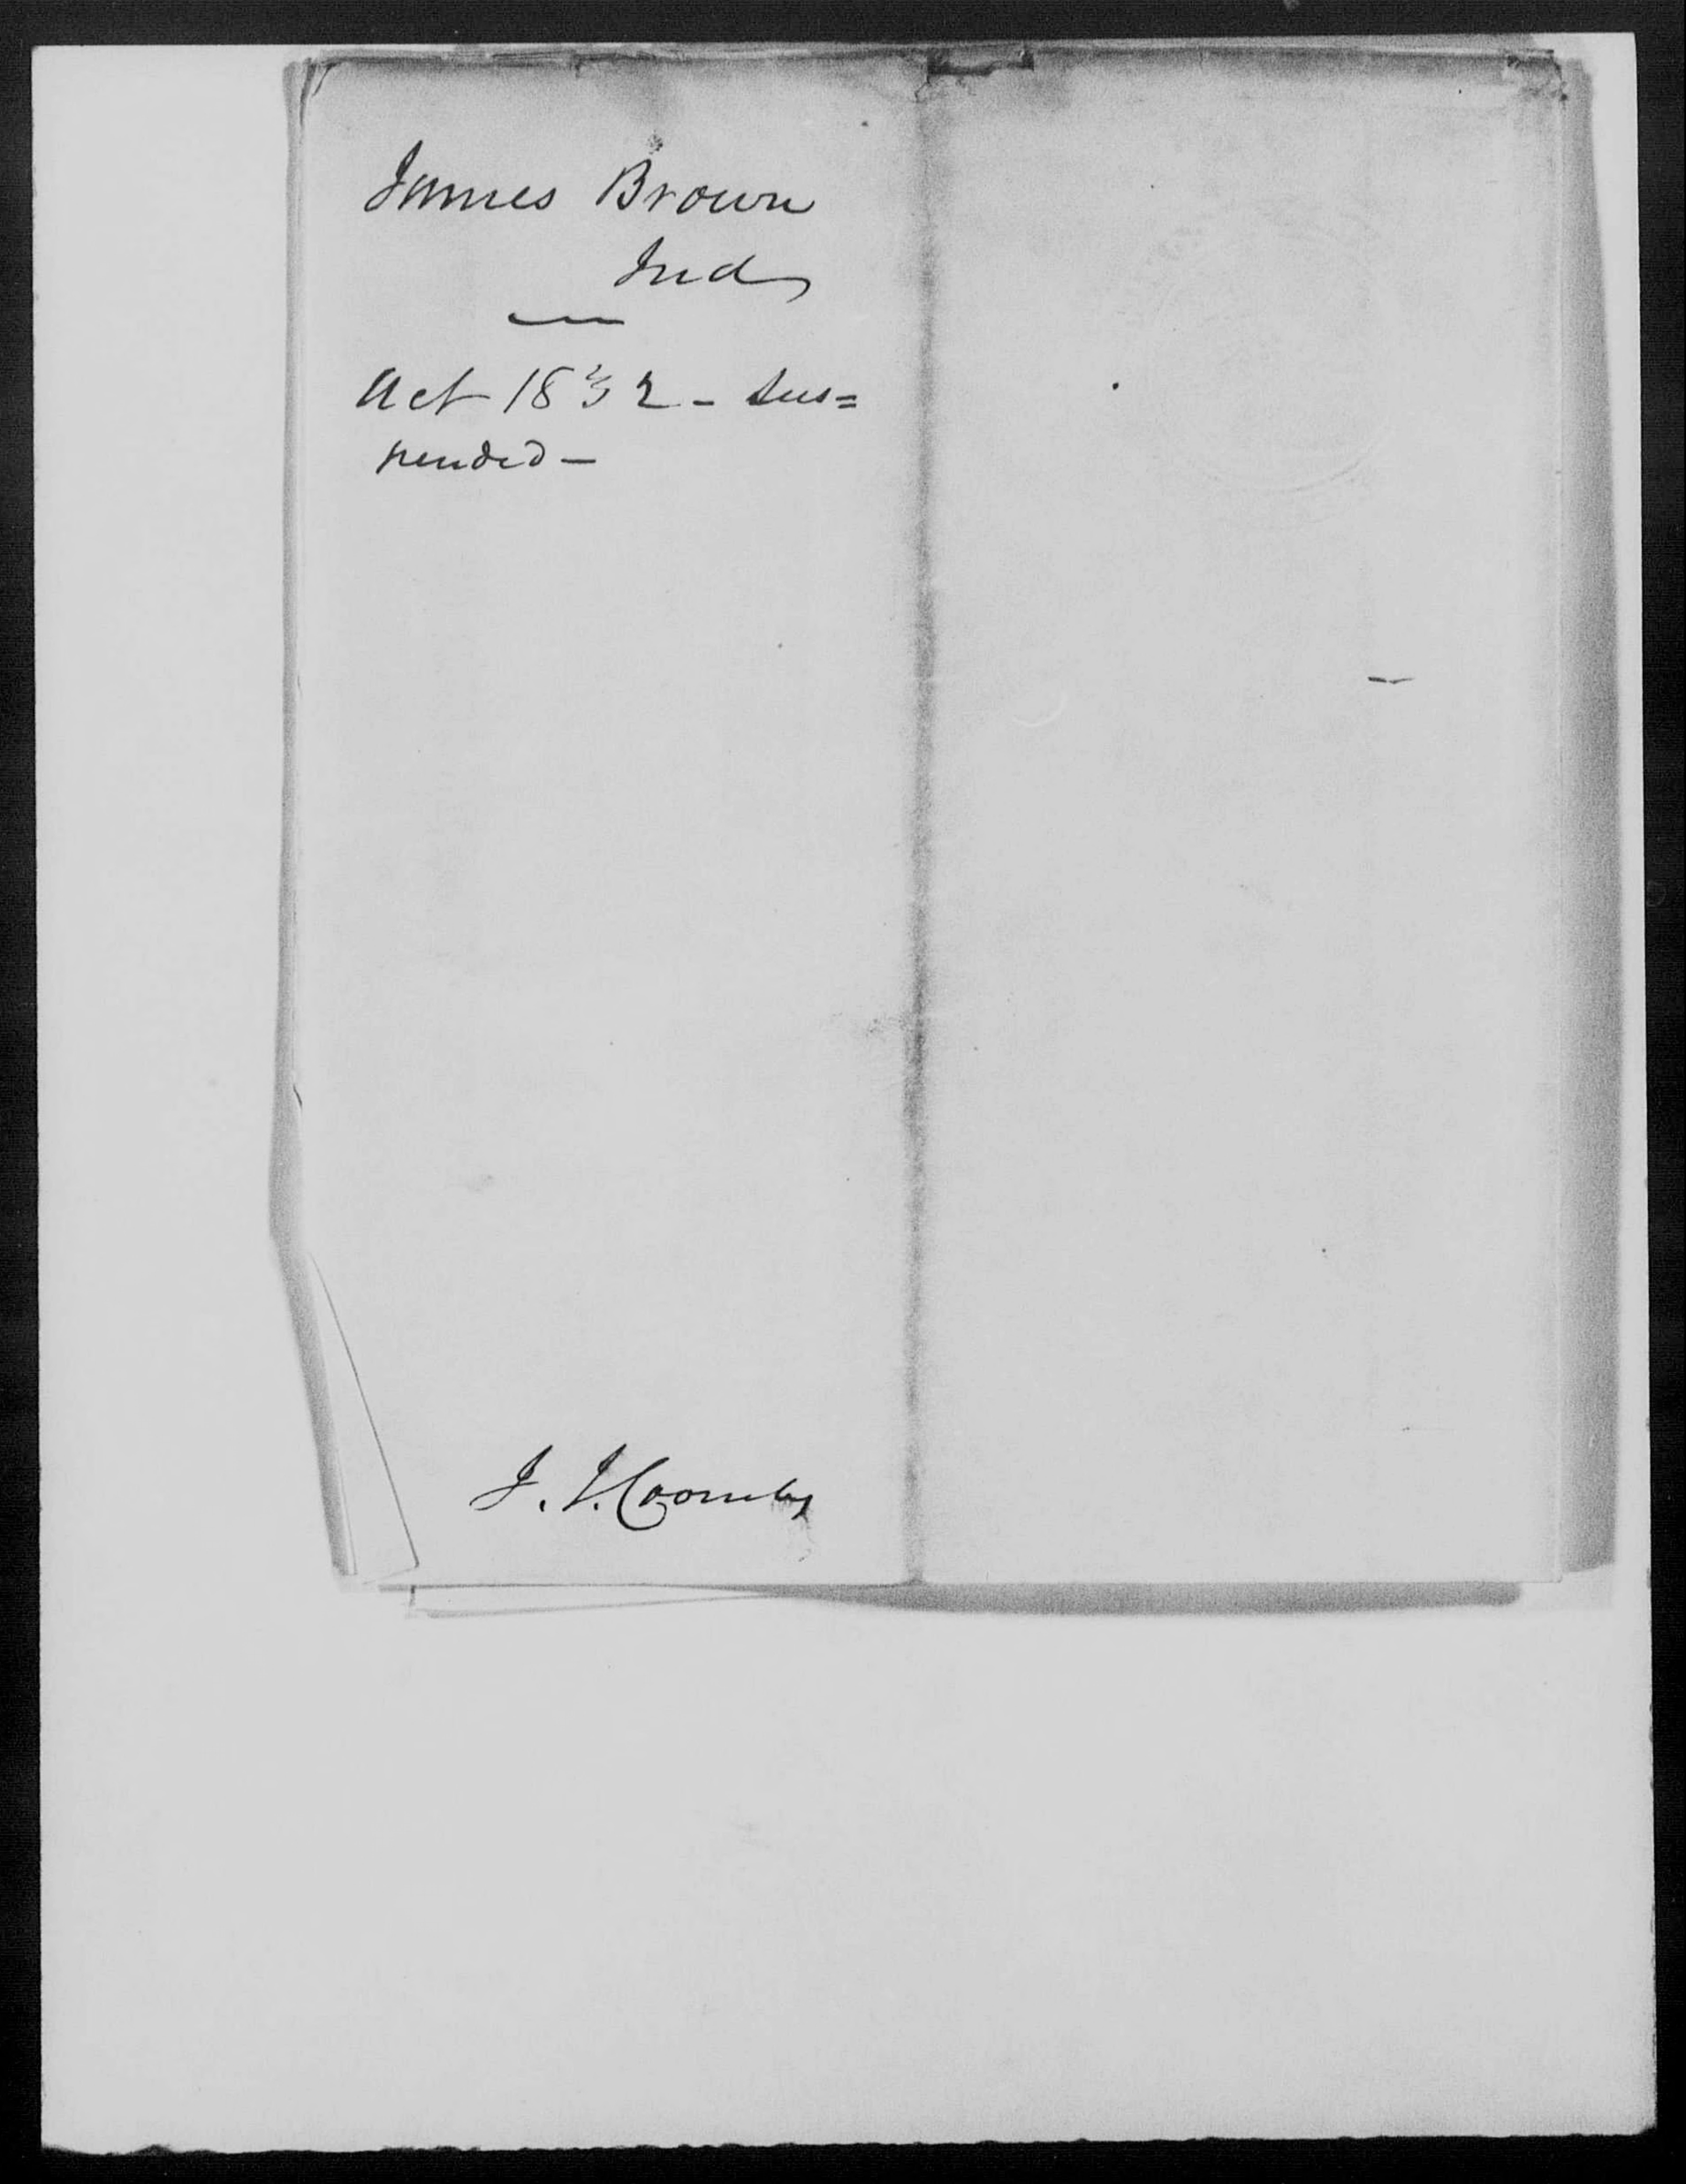James Brown Ind.
act 1832 suspended
JJ Coombs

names: J J Coombs, James Brown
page: 30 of 41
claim: rejected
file: R. 1309, James Brown, S.C.